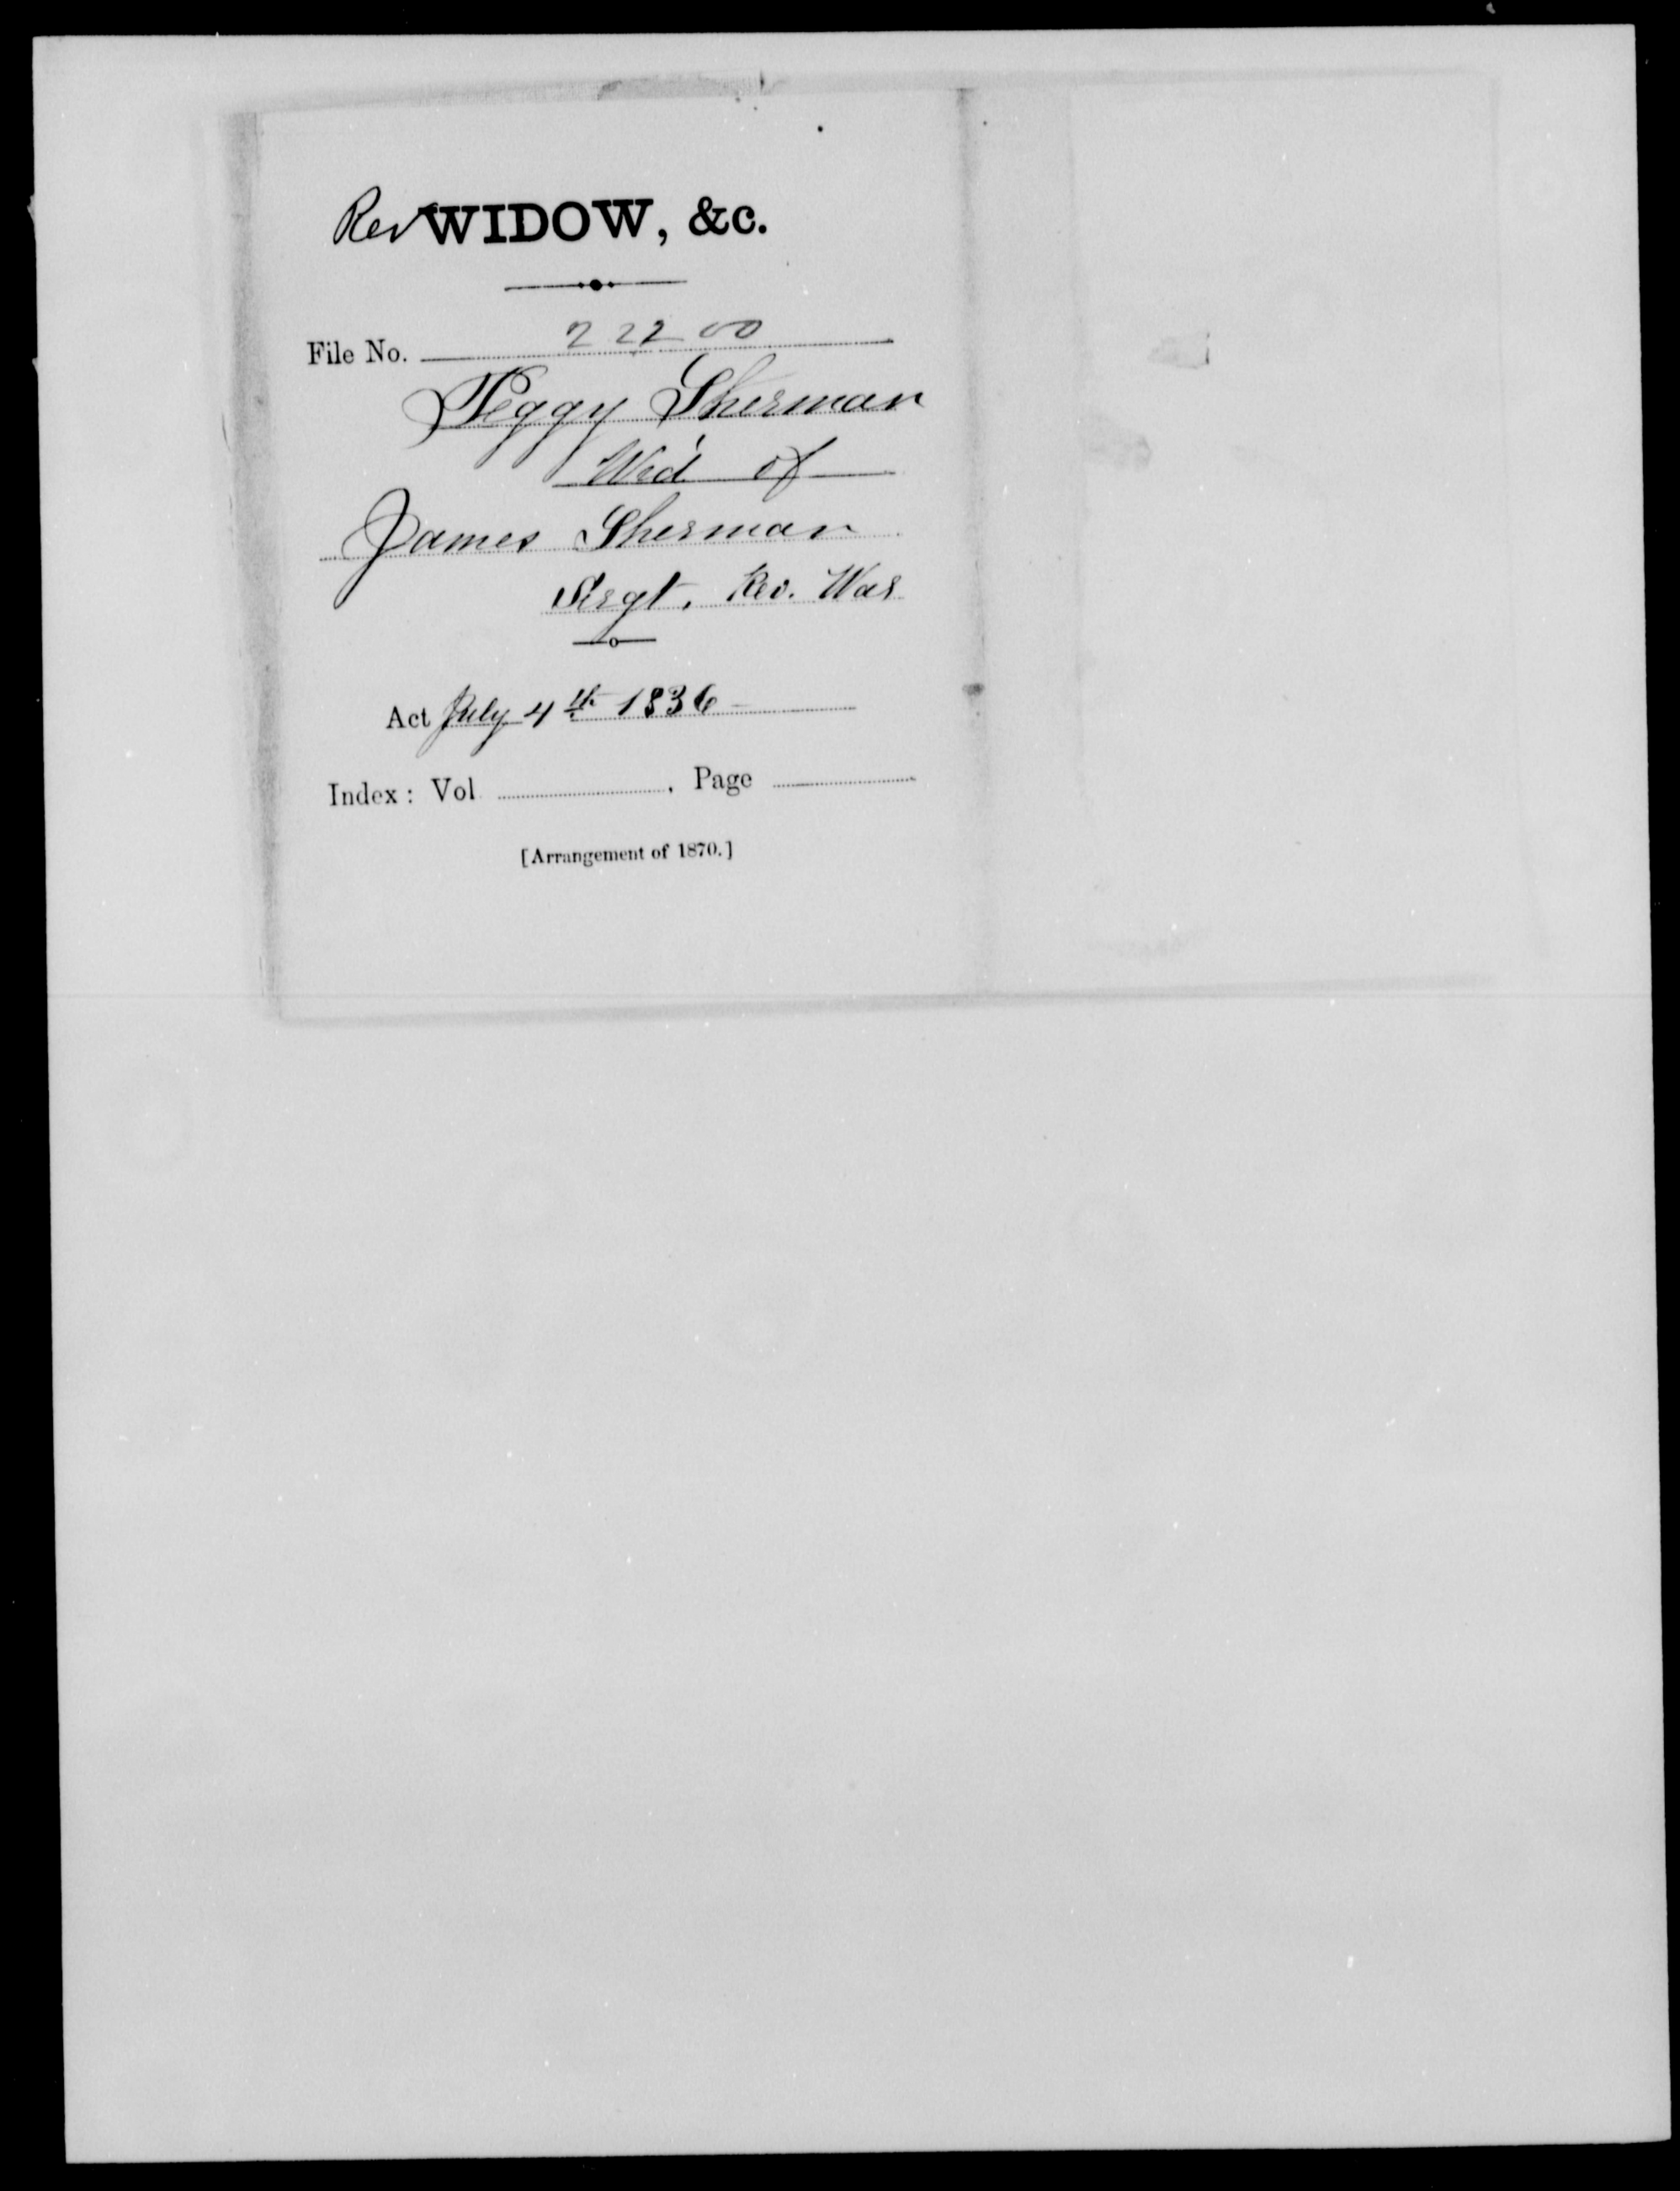[doc is printed, written & folded]

Rev WIDOW, &c.
[line]
File No. 22,200
Peggy Sherman
Wid of
James Sherman
Srgt. Rev. War
[line]
Act July 4th 1836
Index: Vol---, Page ---
"{Arrangement of 1870.}"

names: James Sherman; Peggy Sherman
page: 15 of 20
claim: widow's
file: W. 22,200, for James Sherman, Massachusetts